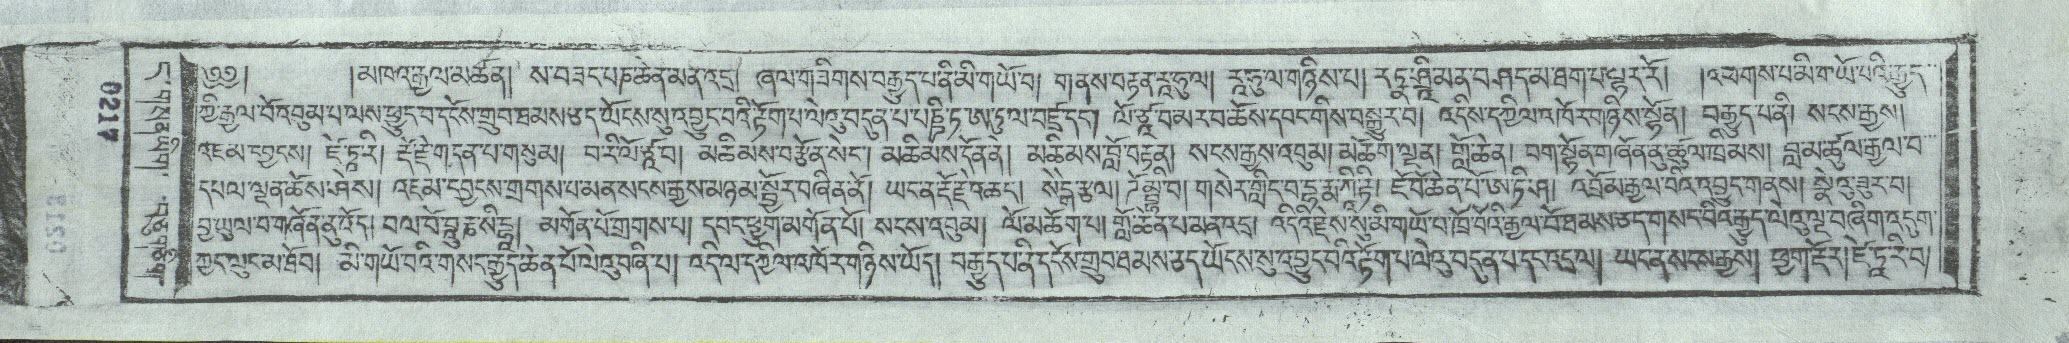༄༅། །མཁའ་རྒྱལ་མཚན། ས་བཟང་པཎ་ཆེན་མན་འདྲ། ཞལ་གཟིགས་བརྒྱུད་པ་ནི་མི་གཡོ་བ། གནས་བརྟན་རཱ་ཧུ་ལ། རཱ་ཧུ་ལ་གཉིས་པ། རཏྣ་ཤྲཱི་མན་བཤད་མ་ཐག་པ་ལྟར་རོ། །འཕགས་པ་མི་གཡོ་པའི་རྒྱུད་
ཀྱི་རྒྱལ་བོ་འབུམ་པ་ལས་ཕྱུང་བ་དངོས་གྲུབ་ཐམས་ཅད་ཡོངས་སུ་འབྱུང་བའི་རྟོག་པ་ལེའུ་བདུན་པ་པཎྜི་ཏ་ཨ་ཏུ་ལ་བཛྲ་དང་། ལོ་ཙཱ་བ་མར་བ་ཆོས་དབང་གིས་བསྒྱུར་བ། འདིས་དཀྱིལ་འཁོར་གཉིས་སྟོན། བརྒྱུད་པ་ནི། སངས་རྒྱས།
འཇམ་དབྱངས། ཛེ་ཏཱ་རི། རྡོ་རྗེ་གདན་པ་གསུམ། བ་རི་ལོ་ཙཱ་བ། མཆིམས་བརྩོན་སེང་། མཆིམས་དོན་ནེ། མཆིམས་བློ་བརྟན། སངས་རྒྱས་འབུམ། མཆོག་ལྡན། གློ་ཆེན། བག་སྟོན་གཞོན་ནུ་ཚུལ་ཁྲིམས། བླ་མ་ཚུལ་རྒྱལ་བ་
དཔལ་ལྡན་ཆོས་ཤེས། འཇམ་དབྱངས་གྲགས་པ་མན་སངས་རྒྱས་མཉམ་སྦྱོར་བཞིན་ནོ། ཡང་ན་རྡོ་རྗེ་འཆང་། སེངྒེ་རྩལ། ཌོམྦྷི་བ། གསེར་གླིང་བ་དྷརྨ་ཀཱིརྟི། ཇོ་བོ་ཆེན་པོ་ཨ་ཏི་ཤ། འབྲོམ་རྒྱལ་བའི་འབྱུང་གནས། སྣེའུ་ཟུར་བ།
བྱ་ཡུལ་བ་གཞོན་ནུ་འོད། བལ་བོ་བཱུ་རྞ་སིདྷཱ། མགོན་པོ་གྲགས་པ། དབང་ཕྱུག་མགོན་པོ། སངས་འབུམ། ལོ་མཆོག་པ། གློ་ཆེན་པ་མན་འདྲ། འདིའི་རྗེས་སུ་མི་གཡོ་བ་ཁྲོ་བོའི་རྒྱལ་བོ་ཐམས་ཅད་གསང་བའི་རྒྱུད་ལེའུ་ལྔ་བཞིག་འདུག་
ཀྱང་ལུང་མ་ཐོབ། མི་གཡོ་བའི་གསང་རྒྱུད་ཆེན་པོ་ལེའུ་བཞི་པ། འདི་ལ་དཀྱིལ་འཁོར་གཉིས་ཡོད། བརྒྱུད་པ་ནི་དངོས་གྲུབ་ཐམས་ཅད་ཡོངས་སུ་འབྱུང་བའི་རྟོག་པ་ལེའུ་བདུན་པ་དང་འདྲ་ལ། ཡང་ན་སངས་རྒྱས། ཕྱག་རྡོར། ཛེ་ཏཱ་རི་བ།